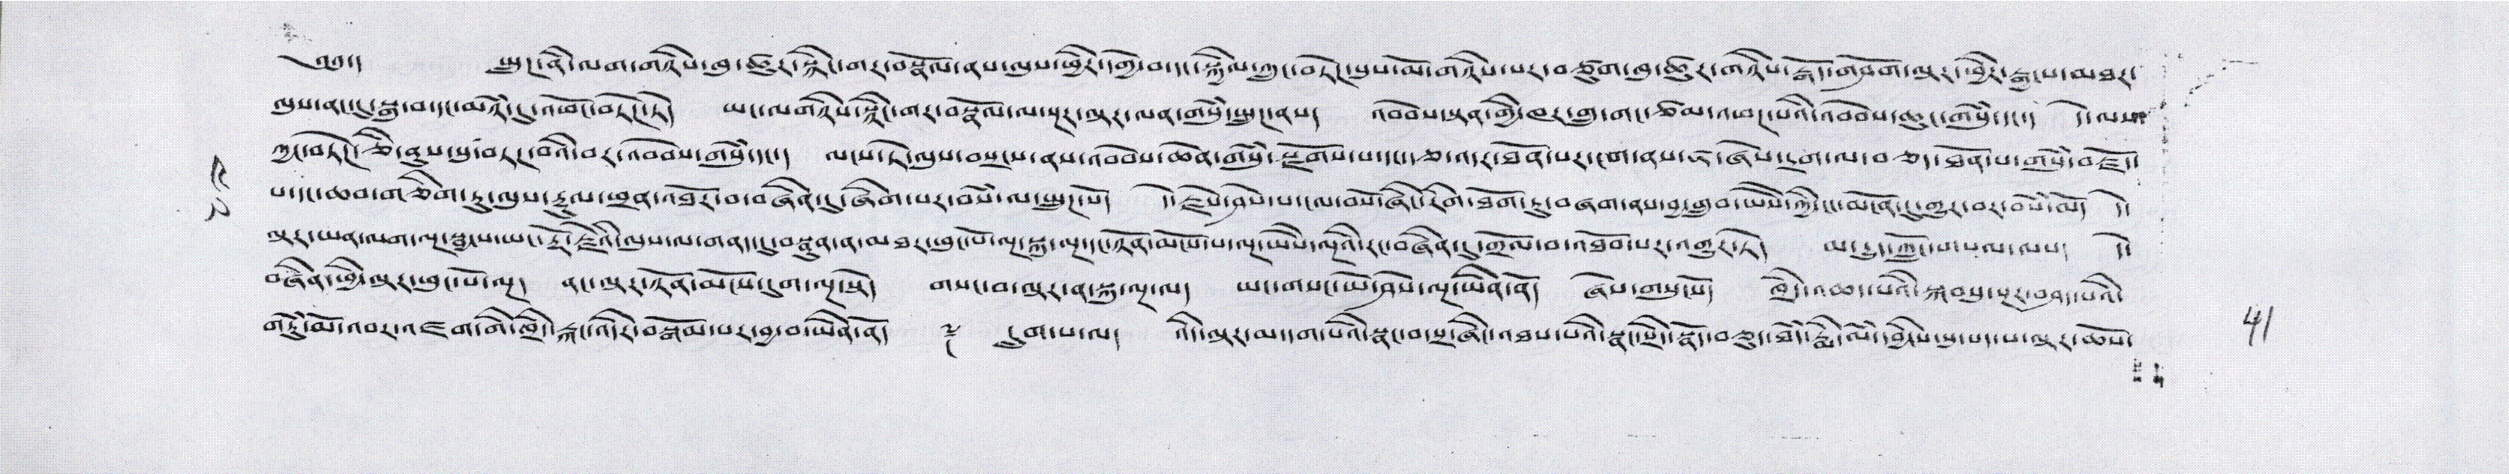སྤྲུགས་ནི་ལག་གཉིས་ཁུ་ཚུར་སྙིང་གར་བསྣོལ་ནས་ལུས་ཕྱིར་དགྱེ་བ་དང་། སྐྱིལ་ཀྲུང་བཏེགས་པུས་མོ་གཉིས་སར་བཙུགས་ཁུ་ཚུར་གཉིས་རྒོད་གཤོག་ལྟར་ཕྱིར་རྒྱངས་མཐར་
ལུས་ནང་དུ་དགུ་བ་དང་མཉམ་དུ་འཕོང་བཏེགས་ཏེ། ཡང་ལག་གཉིས་སྙིང་གར་བསྣོལ་ལ་སྔར་ལྟར་ལན་གསུམ་སྤྲུགས་ནས། འབེབས་སྟན་གྱི་ཁར་གྲུ་གང་ཙམ་འཕགས་པའི་འབེབས་ཆུང་གསུམ་དང་། དེ་ལས་
ཀྱང་བཏེགས་ཅི་ནུས་སུ་བཏགས་པའི་བར་འབེབས་གསུམ་དང་། ལངས་ཏེ་ལུས་བསྲང་ནས་འབེབས་ཆེན་གསུམ་རྫོགས་པ་དང་རྩ་འདར་ཐོན་པར་ངག་ནས་ཧ་ཞེས་དྲག་ལ་སྐྱེད་ཐོན་པ་གསུམ་བརྗོད་
པ་དང་ཆབས་ཅིག་ཏུ་ལུས་རྡུལ་ཕྲན་འཐོར་བ་བཞིན་དུ་ཞིག་པར་བསམ་ལ་སྤྲུགས་སོ། །དེ་རྗེས་ཤེས་པ་ངལ་གསོ་ཞིང་རིག་ཐོག་ཏུ་བཞག་ནས་བྱ་གྲུབ་ཡེ་ཤེས་ཀྱི་ངང་མངོན་དུ་གྱུར་པར་བསམ་མོ། དེ་
ལྟར་ཡན་ལག་ལྔ་སྦྱངས་པ་ཡང་རྡོ་རྗེའི་ལུས་ལ་གནད་དུ་བསྣུན་ན་མཐར་ཕུང་པོ་ལྔ་སྐུ་ལྔ་དང་ཉོན་མོངས་པ་ལྔ་ཡེ་ཤེས་ལྔ་ཡི་རང་བཞིན་དུ་གྲོལ་པ་འཐོབ་པར་འགྱུར་ཏེ། མ་རྒྱུད་ཀློང་གསལ་ལས། དེ་
བཞིན་ཕྱི་ལྟར་ཕུང་པོ་ལྔ། ནང་ལྟར་ཉོན་མོངས་དུག་ལྔ་སྟེ། གསང་བ་ལྟར་ན་སྐུ་ལྔ། ཡང་གསང་ཡེ་ཤེས་ལྔ་ཡིན་ནོ། ཞེས་གསུངས་སོ། །ཁྲིད་འཆད་པའི་སྐབས་སུ་སྔར་བཤད་པའི་
གཏུམ་མོ་འབར་འཛག་གི་ཁྲིད་རྐང་འདིར་བསྒོམ་པར་བྱ་བ་ཡིན་ནོ།། ༧ དྲུག་པ་ལ། འདི་ལྟར་མ་དག་པའི་སྣང་བ་སྲ་ཞིང་འཐས་པའི་སྣང་སྲིད་སྣོད་བཅུད་རྨི་ལམ་གྱི་དབྱིངས་སུ་སད་པ་ལྟར་ཆོས་